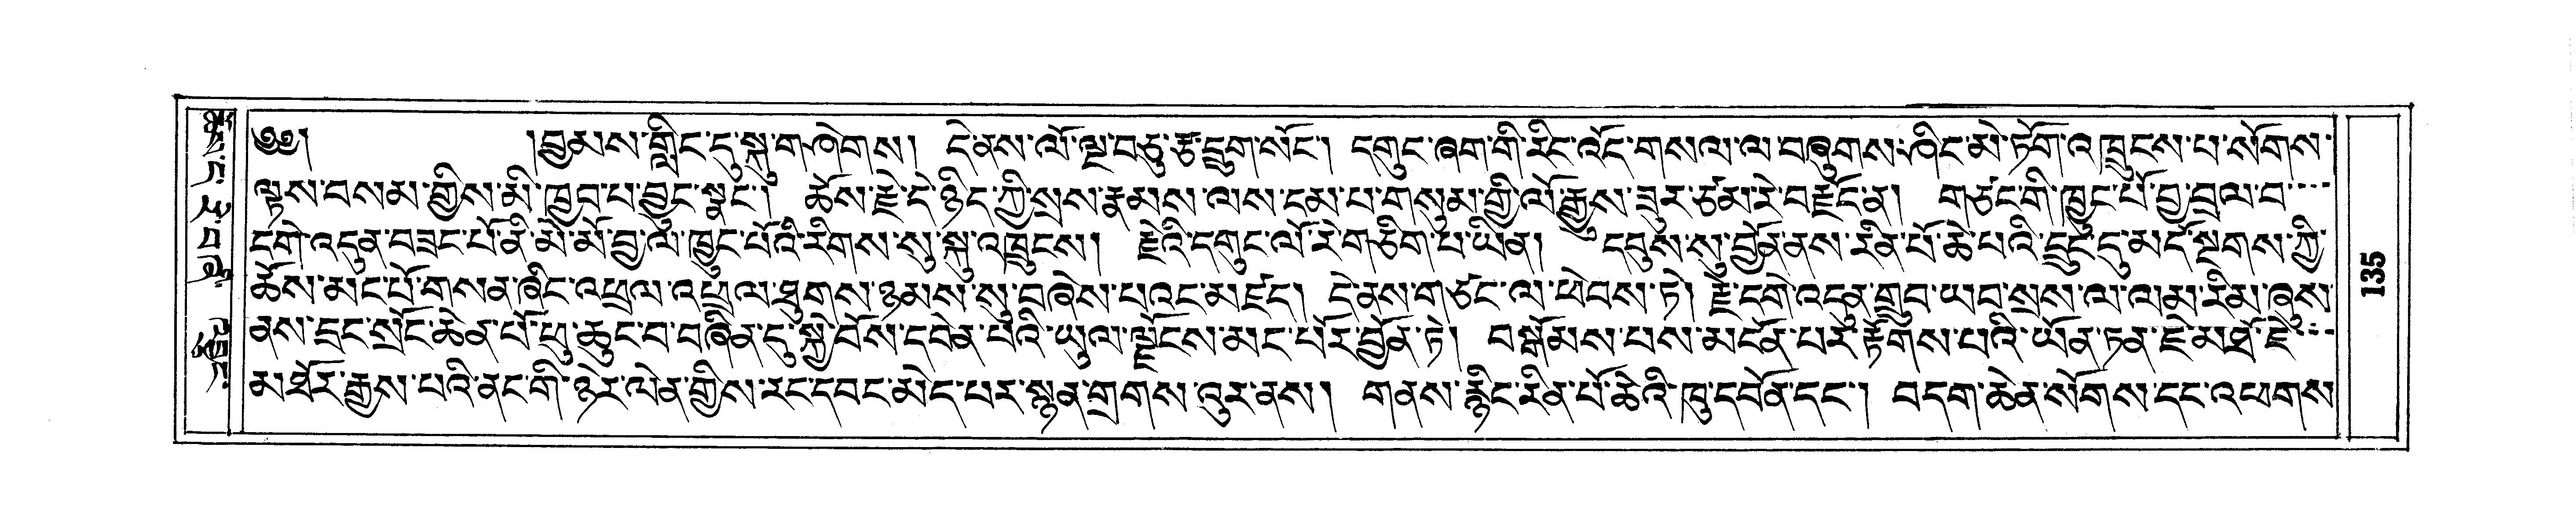༄༅། །བྱམས་གླིང་དུ་སྐུ་གཤེགས། དེ་ནས་ལོ་ལྔ་བཅུ་རྩ་དྲུག་སོང་། དགུང་ཞག་གི་རིང་འོད་གསལ་ལ་བཞུགས་ཤིང་མེ་ཏོག་འཁྲུངས་པ་སོགས་
ལྟས་བསམ་གྱིས་མི་ཁྱབ་པ་བྱུང་སྣང་། ཆོས་རྗེ་དེ་ཉིད་ཀྱི་སྲས་རྣམས་ལས་དམ་པ་གསུམ་གྱི་ལོ་རྒྱུས་ཟུར་ཙམ་རེ་བརྗོད་ན། གཙང་གི་ཁྱུང་པོ་བྱ་བྲལ་བ་
དགེ་འདུན་བཟང་པོ་ནི་མེ་མོ་བྱ་ལ་ཁྱུང་པོའི་རིགས་སུ་སྐུ་འཁྲུངས། རྗེའི་དགུང་ལོ་རེ་གཅིག་པ་ཡིན། དབུས་སུ་བྱོན་ནས་རིན་པོ་ཆེ་པའི་དྲུང་དུ་མདོ་སྔགས་ཀྱི་
ཆོས་མང་པོ་གསན་ཞིང་འཕྲལ་འཕྲལ་ཐུགས་ཉམས་སུ་བཞེས་པའང་མཛད། དེ་ནས་གཙང་ལ་ཕེབས་ཏེ། རྗེ་དགེ་འདུན་གྲུབ་ཡབ་སྲས་ལ་ལམ་རིམ་ཞུས་
ནས་དྲང་སྲོང་ཆེན་པོ་ཕུ་ཆུང་བ་བཞིན་དུ་སྐྱེ་བོས་དབེན་པའི་ཡུལ་ལྗོངས་མང་པོར་བྱོན་ཏེ། བསྒོམས་པས་མངོན་པར་རྟོགས་པའི་ཡོན་ཏན་རྗེ་མཐོ་རྗེ་
མཐོར་རྒྱས་པའི་ནང་གི་ཉེར་ལེན་གྱིས་རང་དབང་མེད་པར་སྙན་གྲགས་འུར་ནས། གནས་རྙིང་རིན་པོ་ཆེའི་ཁུ་དབོན་དང་། བདག་ཆེན་སོགས་དང་འཕགས་